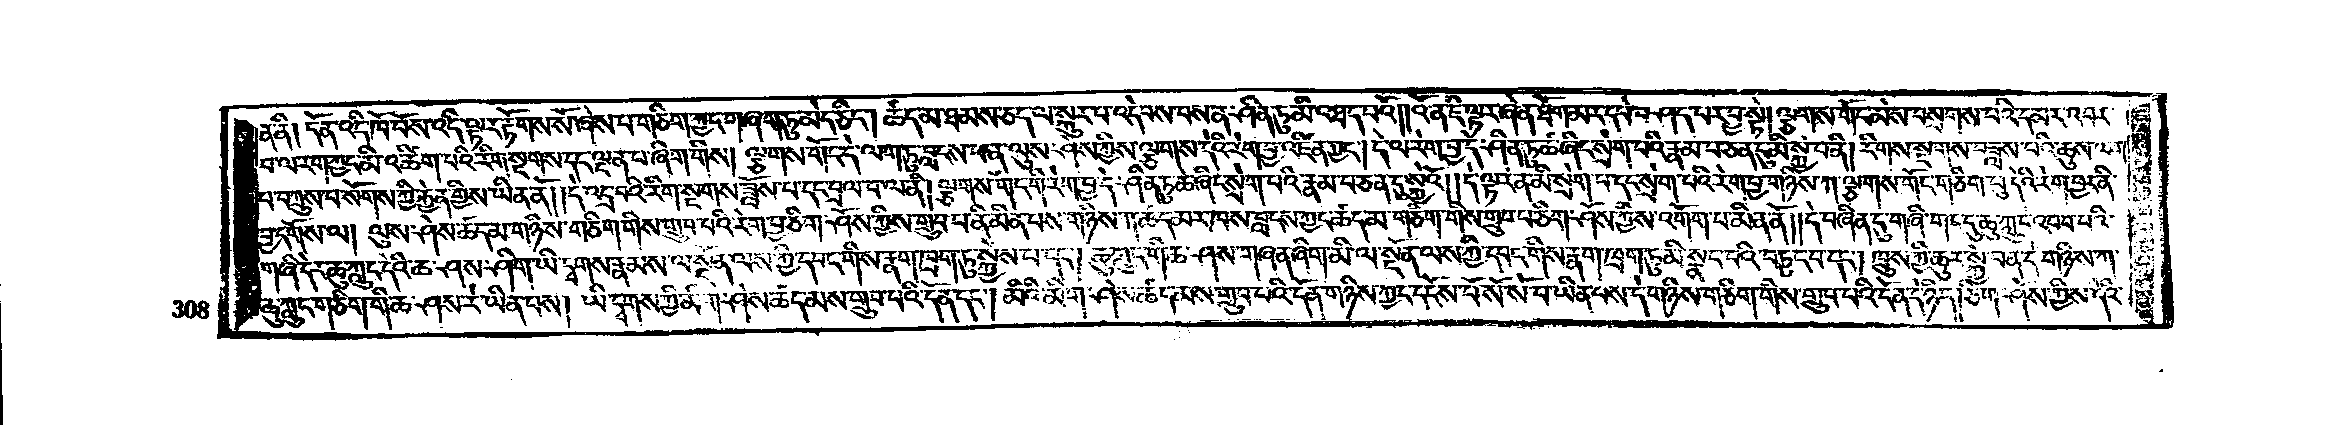ན་ནི། དོན་འདི་ཁོ་བོས་འདི་ལྟར་རྟོགས་སོ་ཞེས་པ་གཅིག་ཀྱང་གཞག་ཏུ་མེད་ཅིང་། ཚད་མ་ཐམས་ཅད་ལ་སྐུར་པ་འདེབས་པས་ན་ཤིན་ཏུ་མི་འཐད་པའོ། །འོ་ན་ཇི་ལྟར་ཞེ་ན་ཐོག་མར་དཔེ་བཤད་པར་བྱ་སྟེ། ལྕགས་གོང་མེས་བསྲེགས་པའི་དམར་འབར་
བ་ལ་རག་ཀྱང་མི་འཚིག་པའི་རིག་སྔགས་དང་ལྡན་པ་ཞིག་གིས། ལྕགས་གོང་དེ་ལག་ཏུ་བླངས་པ་ན་ལུས་ཤེས་ཀྱིས་ལྕགས་དེའི་རེག་བྱ་འཛིན་ཀྱང་། དེ་ལ་རེག་བྱ་དེ་ཤིན་ཏུ་ཚ་ཞིང་སྲེག་པའི་རྣམ་པ་ཅན་དུ་མི་སྐྱེ་བ་ནི། རིགས་སྔགས་བཟླས་པའི་ཆུས་ལག་
པ་བཀྲུས་པ་སོགས་ཀྱི་རྐྱེན་གྱིས་ཡིན་ནོ། །དེ་འདྲ་བའི་རིག་སྔགས་ཟློས་པ་དང་བྲལ་བ་ལ་ནི། ལྕགས་གོང་གི་རེག་བྱ་དེ་ཤིན་ཏུ་ཚ་ཞིང་སྲེག་པའི་རྣམ་པ་ཅན་དུ་སྐྱེའོ། །དེ་ལྟར་ན་མི་སྲེག་པ་དང་སྲེག་པའི་རེག་བྱ་གཉིས་ཀ་ལྕགས་གོང་གཅིག་པུ་དེའི་རེག་བྱར་ནི་
བྱ་དགོས་ལ། ལུས་ཤེས་ཚད་མ་གཉིས་གཅིག་གིས་གྲུབ་པའི་རེག་བྱ་ཅིག་ཤོས་ཀྱིས་གྲུབ་པ་ནི་མིན་པས་གཉིས་ཀ་ཚད་མར་ཁས་བླངས་ཀྱང་ཚད་མ་གཅིག་གིས་གྲུབ་པ་ཅིག་ཤོས་ཀྱིས་འགོག་པ་མིན་ནོ། །དེ་བཞིན་དུ་གཞི་གང་དུ་ཆུ་ཀླུང་འབབ་པའི་
གཞི་དེར་ཆུ་ཀླུང་དེའི་ཆ་ཤས་ཤིག་ཡི་དྭགས་རྣམས་ལ་སྔོན་ལས་ཀྱི་དབང་གིས་རྣག་ཁྲག་ཏུ་སྐྱེས་པ་དང་། ཆུ་ཀླུང་གི་ཆ་ཤས་གཞན་ཞིག་མི་ལ་སྔོན་ལས་ཀྱི་དབང་གིས་རྣག་ཁྲག་ཏུ་མི་སྣང་བའི་བཏུང་བ་དང་། ཁྲུས་ཀྱི་ཆུར་སྐྱེ་བ་ན་དེ་གཉིས་ཀ་
ཆུ་ཀླུང་གཅིག་གི་ཆ་ཤས་རེ་ཡིན་པས། ཡི་དྭགས་ཀྱི་མིག་ཤེས་ཚད་མས་གྲུབ་པའི་དོན་དང་། མིའི་མིག་ཤེས་ཚད་མས་གྲུབ་པའི་དོན་གཉིས་ཀྱང་དངོས་པོ་སོ་སོ་བ་ཡིན་པས་དེ་གཉིས་གཅིག་གིས་གྲུབ་པའི་དོན་དེ་ཉིད། ཅིག་ཤོས་ཀྱིས་དེའི་